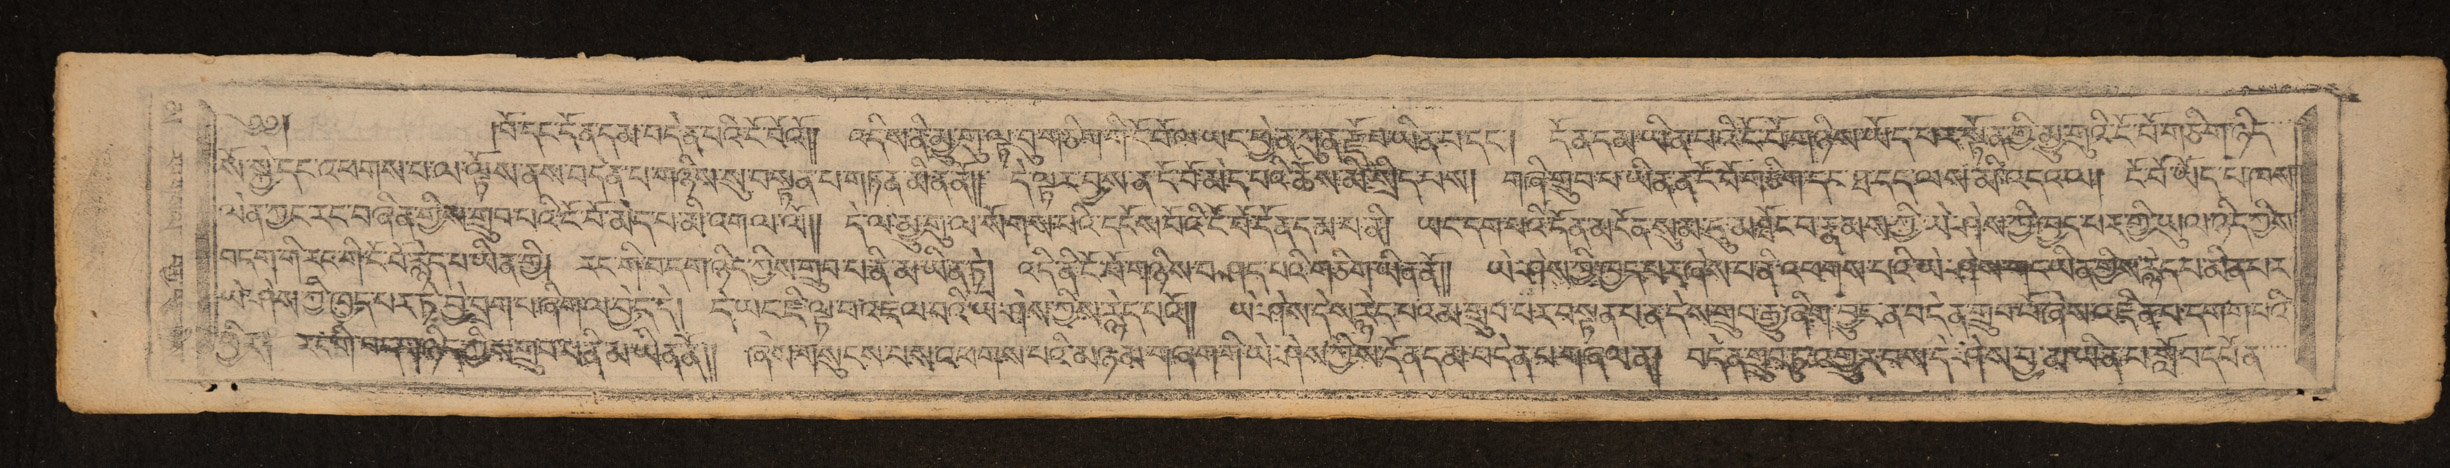༄༅། །བོ་དང་དོན་དམ་བདེན་པའི་ངོ་བོའོ།། འདིས་ནི་མྱུ་གུ་ལྟ་བུ་གཅིག་གི་ངོ་བོ་ལ་ཡང་ཕྱེ་ན་ཀུན་རྫོབ་ཡིན་པ་དང་། དོན་དམ་ཡིན་པའི་ངོ་བོ་གཉིས་ཡོད་པར་སྟོན་གྱི་མྱུ་གུའི་ངོ་བོ་གཅིག་ཉིད་
སོ་སྐྱེ་དང་འཕགས་པ་ལ་ལྟོས་ནས་བདེན་པ་གཉིས་སུ་བསྟན་པ་གཏན་མིན་ནོ།། དེ་ལྟར་བྱས་ན་ངོ་བོ་མེད་པའི་ཆོས་མི་སྲིད་པས། གཞི་གྲུབ་པ་ཡིན་ན་ངོ་བོ་གཅིག་དང་ཐ་དད་ལས་མི་འདའ་ལ། ངོ་བོ་ཡོད་པ་ཁས་
ལེན་ཀྱང་རང་བཞིན་གྱིས་གྲུབ་པའི་ངོ་བོ་མེད་པ་མི་འགལ་ལོ།། དེ་ལ་མྱུ་གུ་ལ་སོགས་པའི་དངོས་པོའི་ངོ་བོ་དོན་དམ་པ་ནི། ཡང་དག་པའི་དོན་མངོན་སུམ་དུ་མཐོང་བ་རྣམས་ཀྱི་ཡེ་ཤེས་ཀྱི་ཁྱད་པར་གྱི་ཡུལ་ཉིད་ཀྱིས་
བདག་གི་རང་གི་ངོ་བོ་རྙེད་པ་ཡིན་གྱི། རང་གི་བདག་ཉིད་ཀྱིས་གྲུབ་པ་ནི་མ་ཡིན་ཏེ། འདི་ནི་ངོ་བོ་གཉིས་བཤད་པའི་གཅིག་ཡིན་ནོ།། ཡེ་ཤེས་ཀྱི་ཁྱད་པར་ཞེས་པ་ནི་འཕགས་པའི་ཡེ་ཤེས་གང་ཡིན་གྱིས་རྙེད་པ་མིན་པར་
ཡེ་ཤེས་ཀྱི་ཁྱད་པར་ཏེ་བྱེ་བྲག་པ་ཞིག་ལ་བྱེད་དེ། དེ་ཡང་ཇི་ལྟ་བ་འཇལ་བའི་ཡེ་ཤེས་ཀྱིས་རྙེད་པའོ།། ཡེ་ཤེས་དེས་རྙེད་པའམ་གྲུབ་པར་བསྟན་པ་ན་དེས་གྲུབ་རྒྱུ་ཞིག་བྱུང་ན་བདེན་གྲུབ་བོ་ཞེས་འཛིན་པ་དགག་པའི་
ཕྱིར། རང་གི་བདག་ཉིད་ཀྱིས་གྲུབ་པ་ནི་མ་ཡིན་ནོ།། ཞེས་གསུངས་པས་འཕགས་པའི་མཉམ་གཞག་གི་ཡེ་ཤེས་ཀྱིས་དོན་དམ་བདེན་པ་གཞལ་ན། བདེན་གྲུབ་ཏུ་འགྱུར་བས་དེ་ཤེས་བྱ་མ་ཡིན་པ་སློབ་དཔོན་